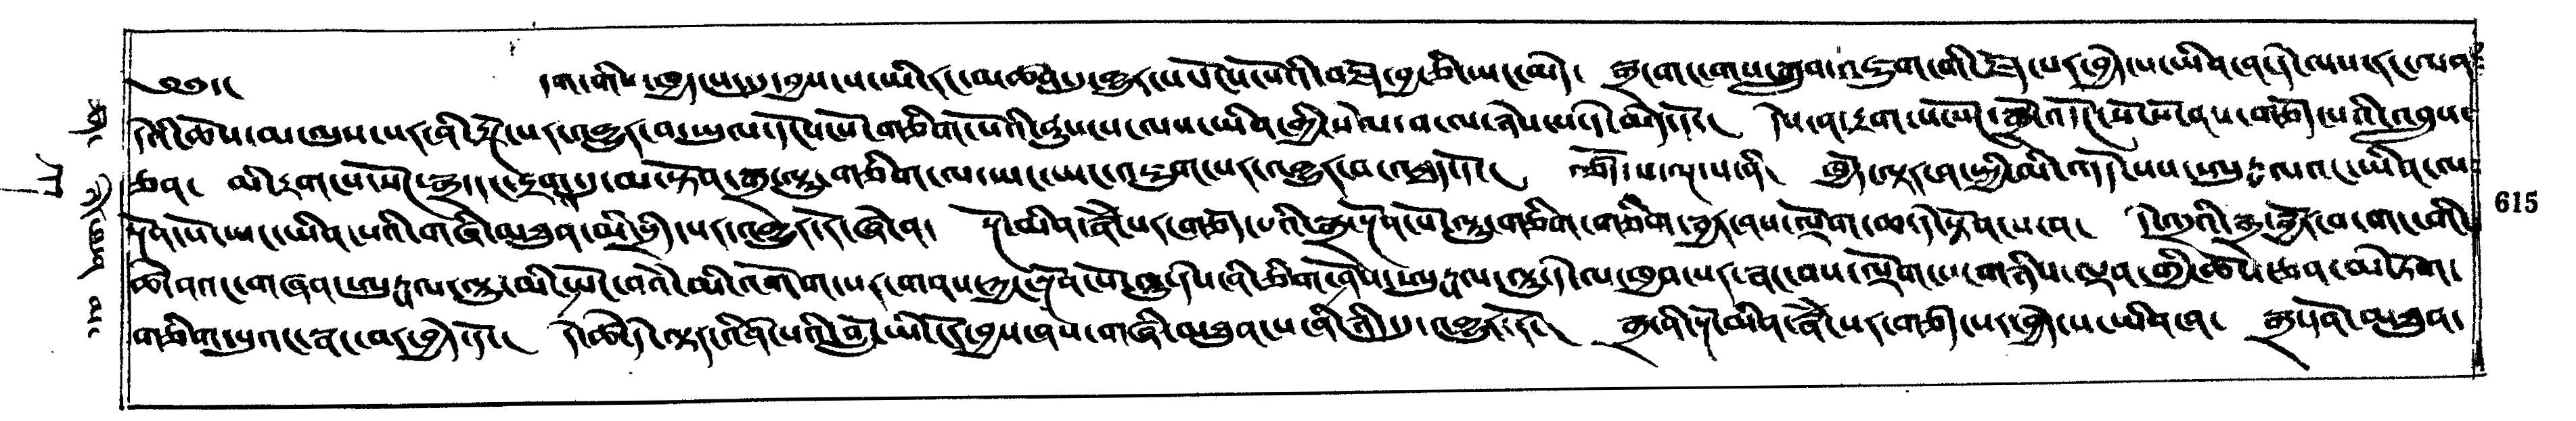དག་གིས་ཁྱད་པར་དུ་བྱས་པའི་རང་མཚན་དུ་གྱུར་པ་དངོས་པོའི་བརྗོད་བྱ་ཅི་ཡང་མེད། སྒྲ་གང་གིས་སྒྲུབ་འཇུག་གི་རྗོད་པར་བྱེད་པ་ཡིན་ན་དེ་ལས་རང་མཚན་
དེའི་ཆོས་མ་ལུས་པར་ནི་རྟོགས་པར་འགྱུར་བ་ཡུལ་དངོས་པོ་གཅིག་པོའི་ནུས་པ་ལས་ཡིན་གྱི་སེལ་བ་ལ་ཉེས་པ་དེ་མེད་དོ།། དེས་ན་རྟག་པ་སོགས་སྒྲོ་འདོགས་སོ་སོ་ནས་གཅོད་པའི་འབྲས་བུ་
ཅན། མི་རྟག་པ་སོགས་སྒྲ་དང་རྟགས་དུ་མ་སྟོན་པའི་སྒྲ་ལྟ་བུ་གཅིག་ལ་ཡང་ཡང་འཇུག་པར་འགྱུར་བ་འཐད་དོ།།རྩོད་པ་ལྔ་པ་ནི། ཁྱེད་ལྟར་ན་སྤྱི་མི་འདོད་པས་ཨུཏྤལའང་ཡིན་ལ་
སྔོན་པོ་ཡང་ཡིན་པའི་གཞི་མཐུན་མི་སྲིད་པར་འགྱུར་རོ་ཞེ་ན། སྔོ་མིན་རྣམ་པར་གཅོད་པའི་སྒྲ་སྔོན་པོ་ལྟ་བུ་གཅིག་གཅིག་སྦྱར་ནས་ལྡོག་ཆ་དེ་སྟོན་པ་ན། དེ་འདྲའི་སྒྲ་སྦྱོར་བ་གང་གི་
ཚེ་ནའང་ཨུཏྤལ་ལྟ་བུ་མི་སྤོང་བའམ་མི་འགོག་པར་གནས་ཀྱང་སྔོན་པོ་ལྟ་བུ་དེས་ནི་ཅིག་ཤོས་ཨུཏྤལ་ལྟ་བུ་དེ་ལ་ཁྱབ་པར་སྣང་བས་ལྡོག་པ་གཉིས་ལྡན་གྱི་ཆོས་ཅན་མེ་ཏོག་
གཅིག་པུའང་སྣང་བར་བྱེད་དོ།། དེ་ཚེ་དེ་ལྟར་འཛིན་པའི་བློའི་ངོར་བྱས་ནས་གཞི་མཐུན་པ་ནི་ཉིད་དུ་འགྱུར་རོ།། སྒྲ་ནི་སྔོ་མིན་རྣམ་པར་གཅོད་པར་བྱེད་པ་ཡིན་ན། སྒྲ་དོན་མཐུན་